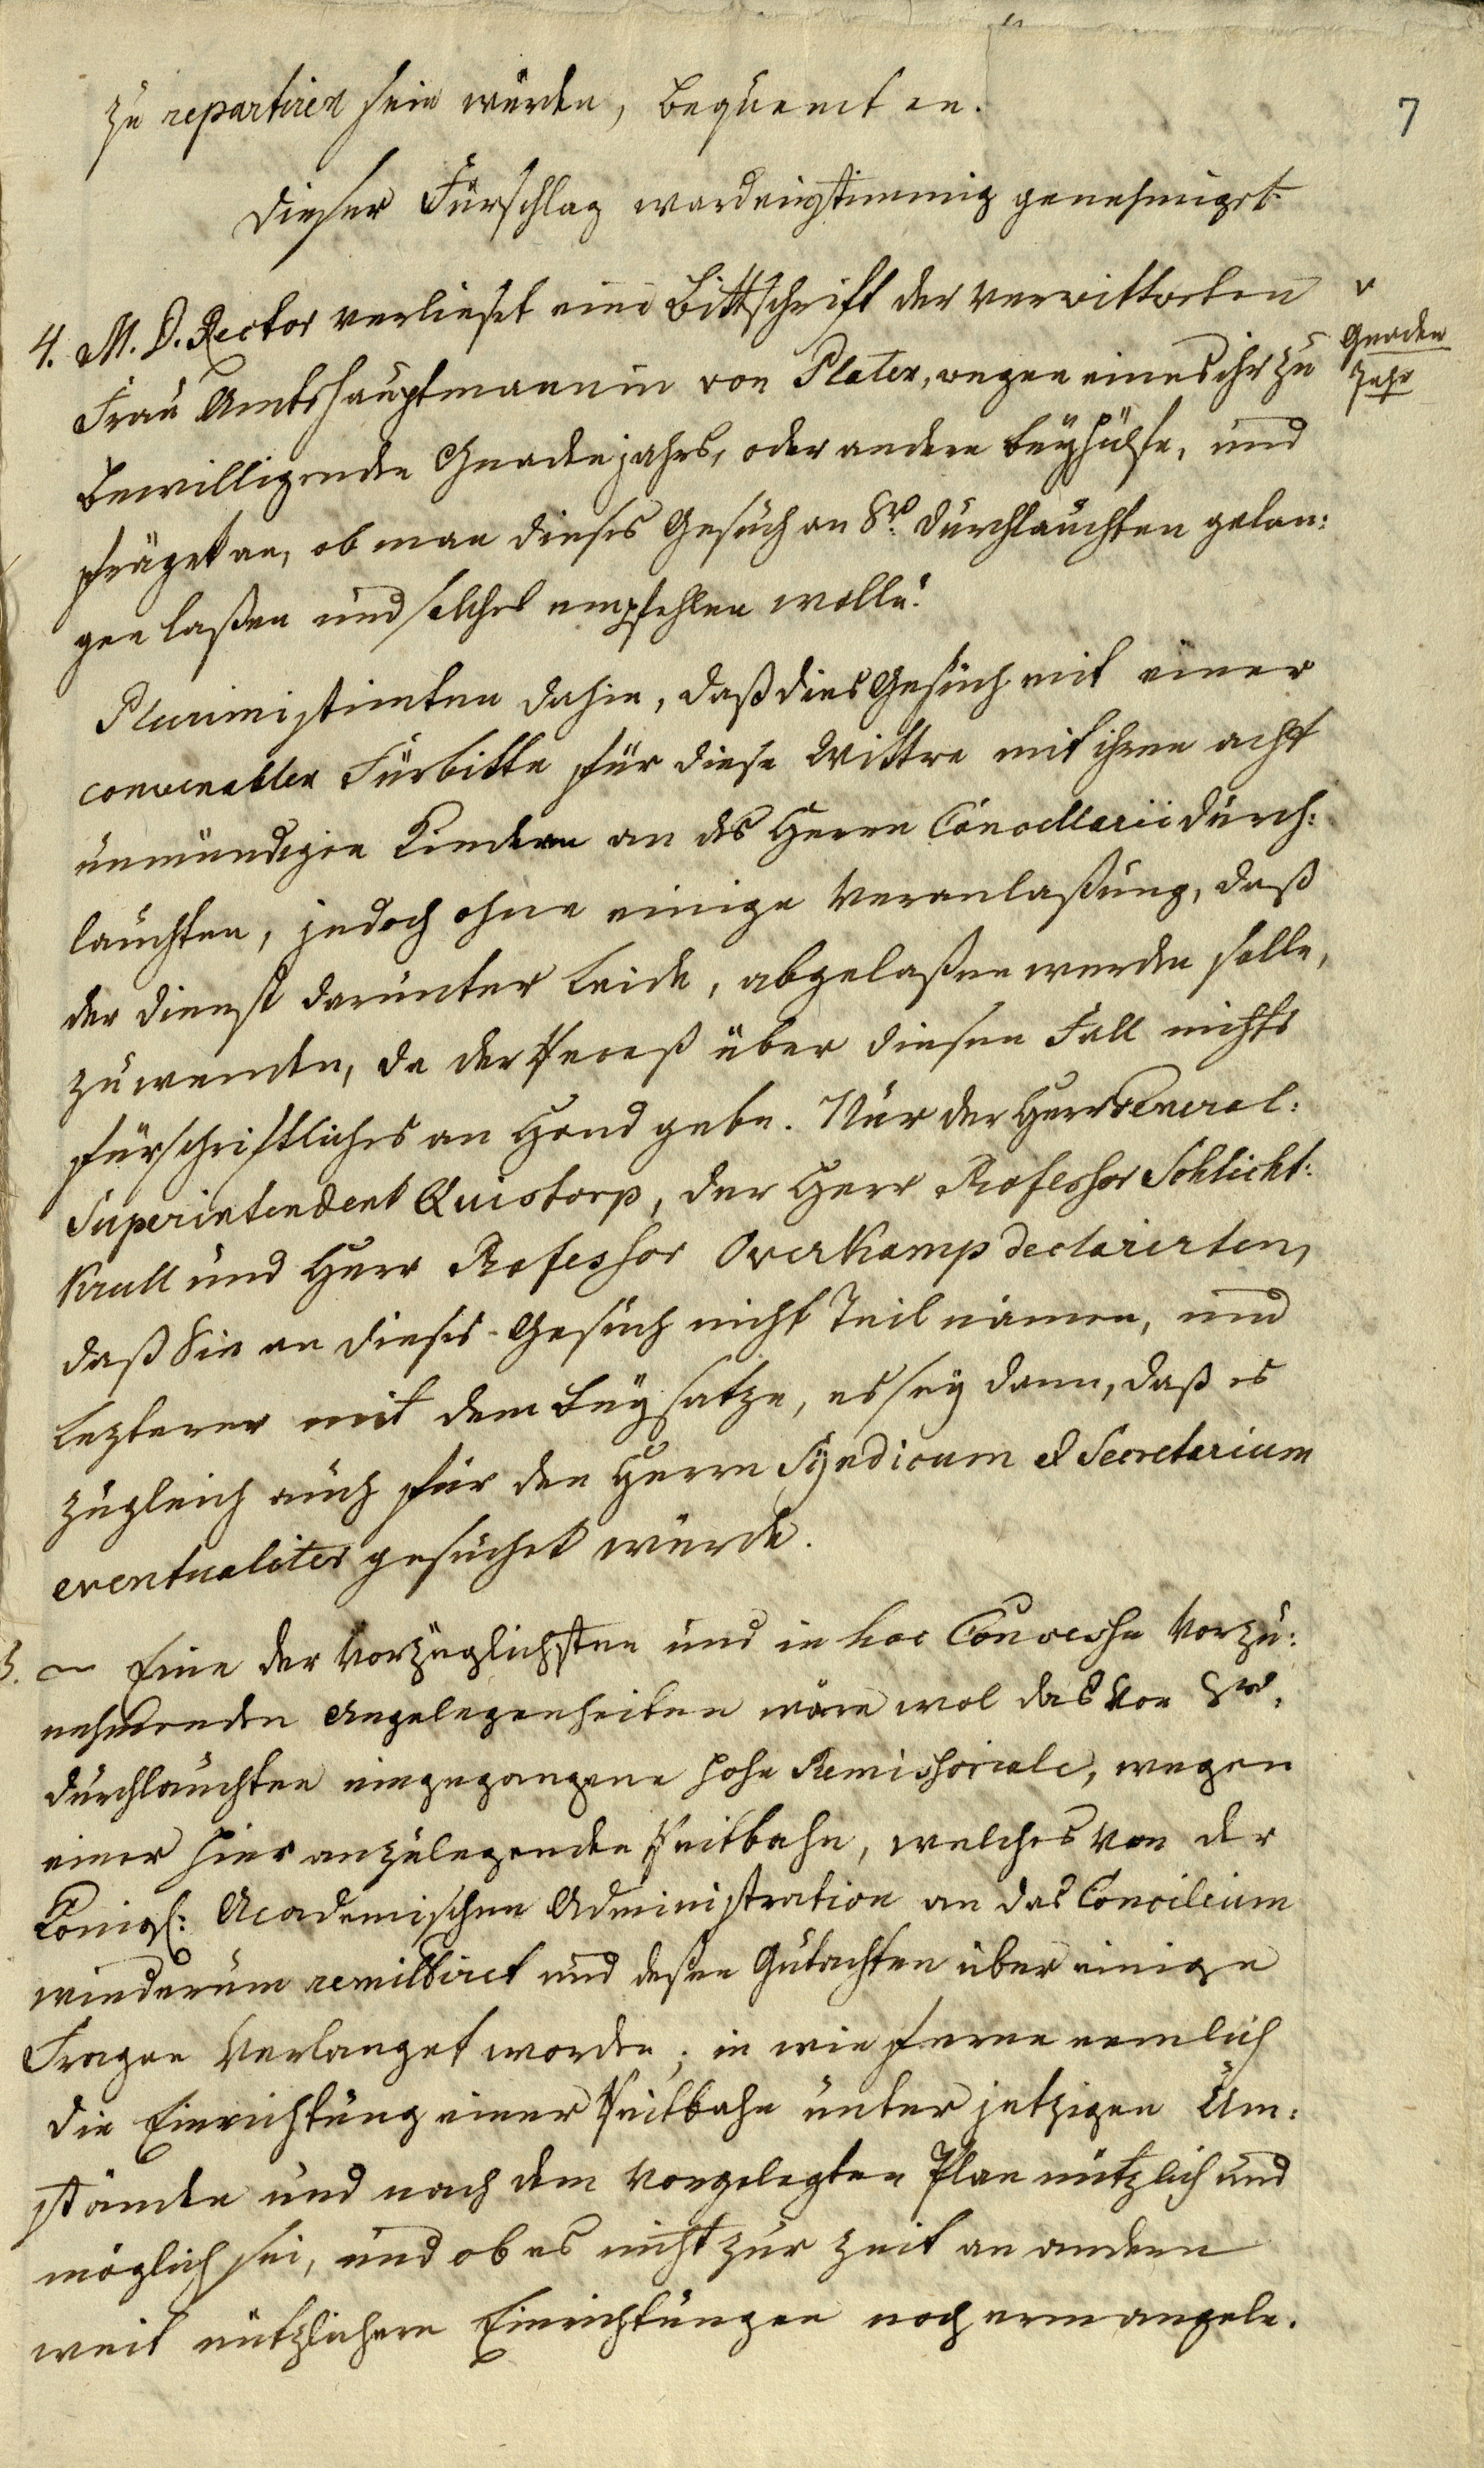zu repartiren sein würden, bequemten.
Dieser Fürschlag ward einstimmig genehmiget.
4. M. D. Rector verlieset eine Bittschrift der verwittweten
Frau Amtshauptmannin von Platen, wegen eines ihr zu
bewilligenden Gnadenjahres, oder andere Beÿhülfe, und
fräget an, ob man dieses Gesuch an Sr. Durchlauchten gelan¬
gen laßen und solches empfehlen wolle.
Plurimi stimten dahin, daß dies Gesuch mit einer
convenablen Fürbitte für diese Wittwe mit ihren acht
unmündigen Kindern an des Herrn Cancellarii Durch¬
lauchten, jedoch ohne einige Veranlaßung, daß
der Dienst darunter leide, abgelaßen werden solte,
zu wenden, da der Receß über diesen Fall nichts
fürschriftliches an Hand gebe. Nur der Herr General¬
Superintendent Quistorp, der Herr Professor Schlicht¬
krull und Herr Professor Overkamp declarirten,
daß Sie an dieses Gesuch nicht Teil nämen, und
Lezterer mit dem Beÿsatze, es seÿ dann, daß es
zugleich auch für den Herrn Sÿndicum ex Secretarium
eventualiter gesuchet würde.
5. Eine der vorzüglichsten und in hoc Consessu vorzu¬
nehmende Angelegenheiten wäre wol das von Sr.
Durchlauchten eingegangene hohe Remissoriale, wegen
einer hier anzulegenden Reitbahn, welche von der
Königl. Academischen Administration an das Concilium
wiederum remittiret und dessen Gutachten über einige
Fragen verlanget worden; in wie ferne nemlich
die Einrichtung einer Reitbahn unter jetzigen Um¬
ständen und nach dem vorgelegten Plan nützlich und
möglich sei, und ob es nicht zur zeit an andere
weit nützlichere Einrichtungen noch ermangele.